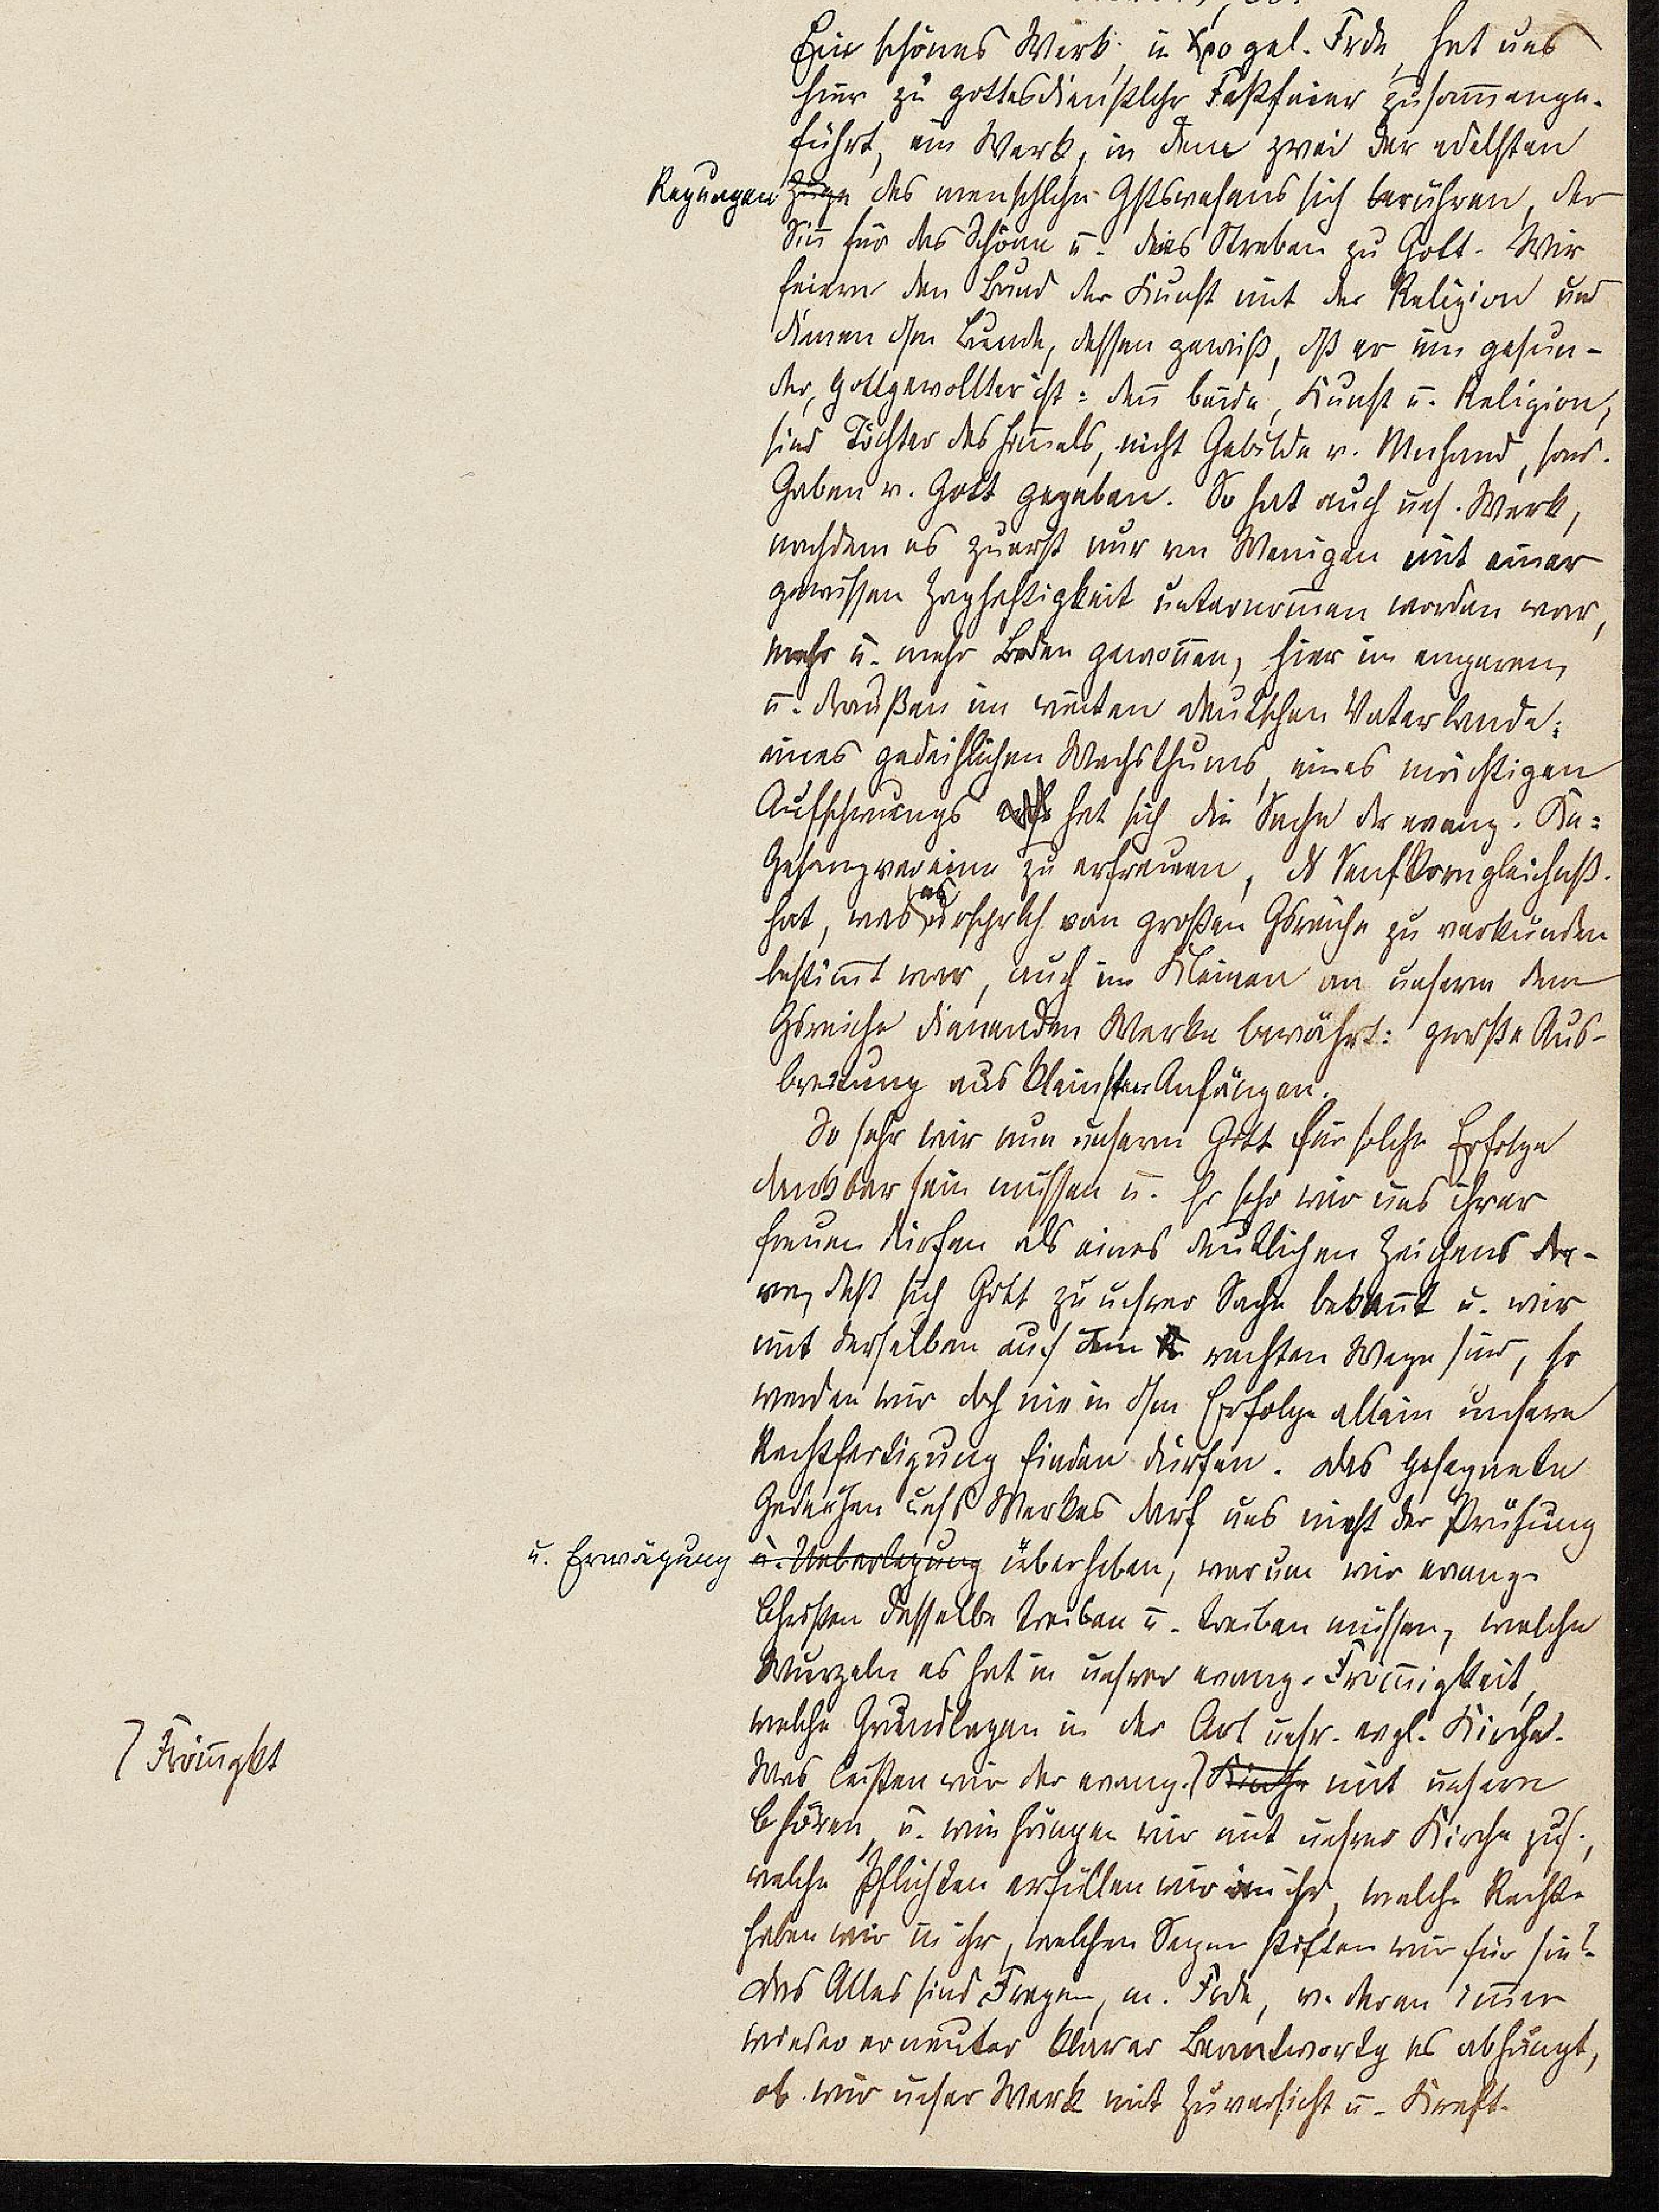] Frömigkt
u. Erwägung
Regungen
Ein schönes Werk, in Χρo gel. Frde, hat uns
hier zu gottesdienstlchr Festfeier zusamenge¬
führt, ein Werk, in dem zwei der edelsten
Züge des menschlchn Gstswesens sich berühren, der
Sin für das Schöne u. dies Streben zu Gott. Wir
feiern den Bund der Kunst mit der Religion und
dienen dsm bunde, dessen gewiß, dß er ein gesun¬
der, gottgewollter ist: den beide, Kunst u. Religion,
sind Töchter des Himmels, nicht Gebilde v. Mnhand, sond.
Gaben v. Gott gegeben. So hat auch uns. Werk,
nachdem es zuerst nur von Wenigen mit einer
gewissen Zaghaftigkeit unternommen worden war,
mehr u. mehr Boden gewonen, hier in engeren,
u. draußen im weiten deutschen Vaterlandete.
eines gedeihlichen Wachstums, eines mächtigen
Aufschwungs erh hat sich die Sache der evang. Kn¬
Gesangsvereine zu erfreuen, ds. Senfkorngleichnß
hat, was es ursprlch von großen Gsreche zu verkünden
bestimmt war, auch im Kleinen an unserm dem
Gsreiche dienenden Werke bewährt: große Aus¬
breitung aus kleinsten Anfängen.
So sehr wir nun unserm Gott für solche Erfolge
dankbar sein müssen u. so sehr wir uns ihrer
freuen dürfen als eines deutlichen Zeichen da¬
von, daß sich Gott zu unserer Sache bekent u. wir
mit derselben dem r rechten Wege sind, so
werden wir doch nie in dsm Erfolge allein unsere
Rechtfertigung finden dürfen. Das Gesgnete
Gedeihen unss Werkes darf uns nicht der Prüfung
u. Ueberlegung überheben, warum wir evang.
Christen dasselbe treiben u. treiben müssen, welche
Wurzeln es hat in unserer evang. Frömigkeit
welche Grundlagen in der Art unsr. evgl. Kirche.
Das leisten wir der evang.] Kirche mit unsern
Chören, u. wie hängen wir mit unserer Kirche zus.
welche Pflichten erfüllen wir an ihr, welche Rechte
haben wir in ihr, welchen Segen stiften wir für sie?
Das Alles sind Fragen, m. Frde, v. deren imer
wieder erneuter klarer Beantwortg es abhängt,
ob wir unser Werk mit Zuversicht u. Kraft